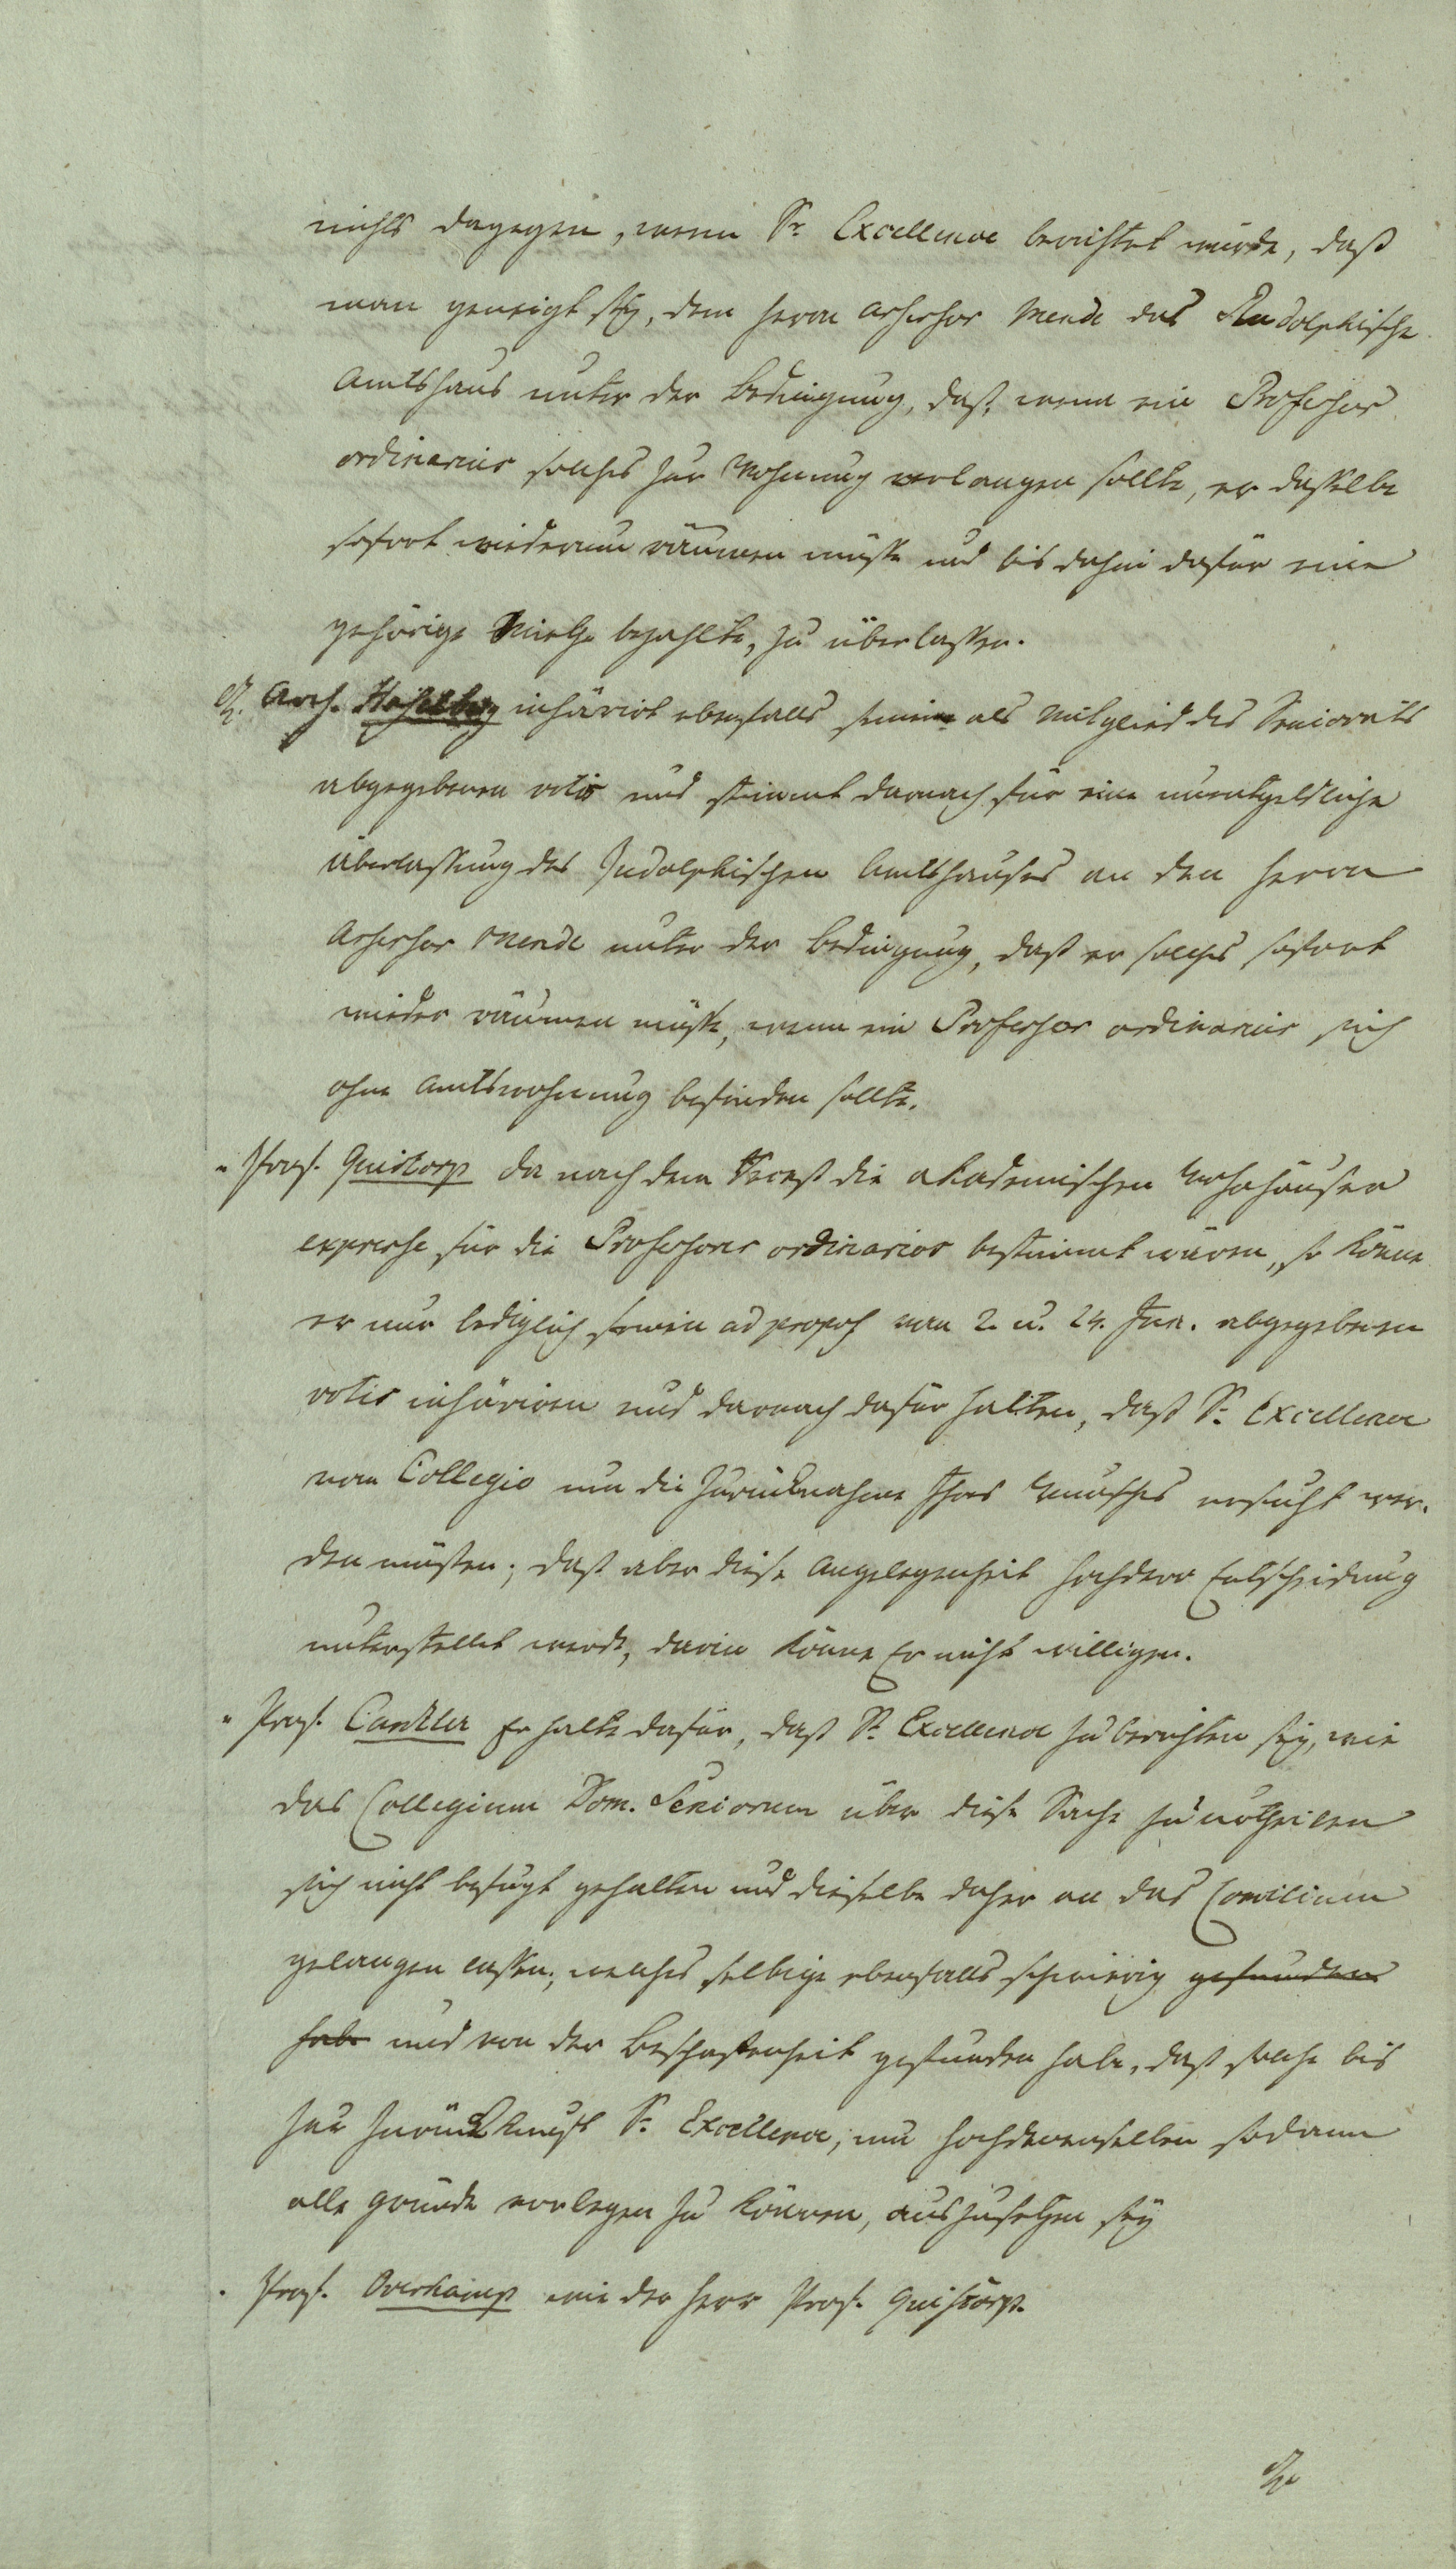nichts dagegen, wenn Sr. Excellence berichtet würde, daß
man geneigt seÿ, dem herrn Assessor Mende das Rudolphische
Amtshaus unter der Bedingung, daß wenn ein Professor
ordinarius solches zur Wohnung verlangen sollte, er dasselbe
sofort wiederum räumen müsse und bis dahin dafür eine
gehörige Miethe bezahlte, zu überlassen.
dh. Arch. Haselberg inhärirt ebenfalls seinen als Mitglied des Seniorats
abgegebenen votis und stimmt darnach für eine unentgeldliche
Überlassung des Rudolphischen Amtshauses an den herrn
Assessor Mende unter der Bedingung, daß er solches sofort
wieder räumen müsse, wenn ein Professor ordinarius sich
ohne Amtswohnung befinden sollte.
Prof. Quistorp Da nach dem Receß die akademischen Wohnhäuser
expresse für die Professores ordinarios betimmt wären, so könne
er nur lediglich sowie ad propos. vom 2. u. 24. Jun. abgegebenen
votis inhäriren und darnach dafür halten, daß Sr. Excellence
vom Collegio um die Zurücknahme Ihres Wunsches ersucht wer¬
den müsten; daß aber diese Angelegenheit hochdero Entscheidung
unterstellet werde, darin könne Er nicht willigen.
Prof. Canzler Er halte dafür, daß Sr. Excellence zu berichten seÿ, wie
das Collegium Dom. Seniorum über diese Sache zu ertheilen
sich nicht befugt gehalten und dieselbe daher an das Concilium
gelangen lassen; welches selbige ebenfalls schwierig gefunden
habe und von der Beschaffenheit gefunden habe, daß solche bis
zur Zurückkunft Sr. Excellence, um hochdenenselben sodann
alle gründe vorlegen zu können, auszusetzen seÿ.
Prof. Overkamp wie der herr Prof. Quistorp.
dh.